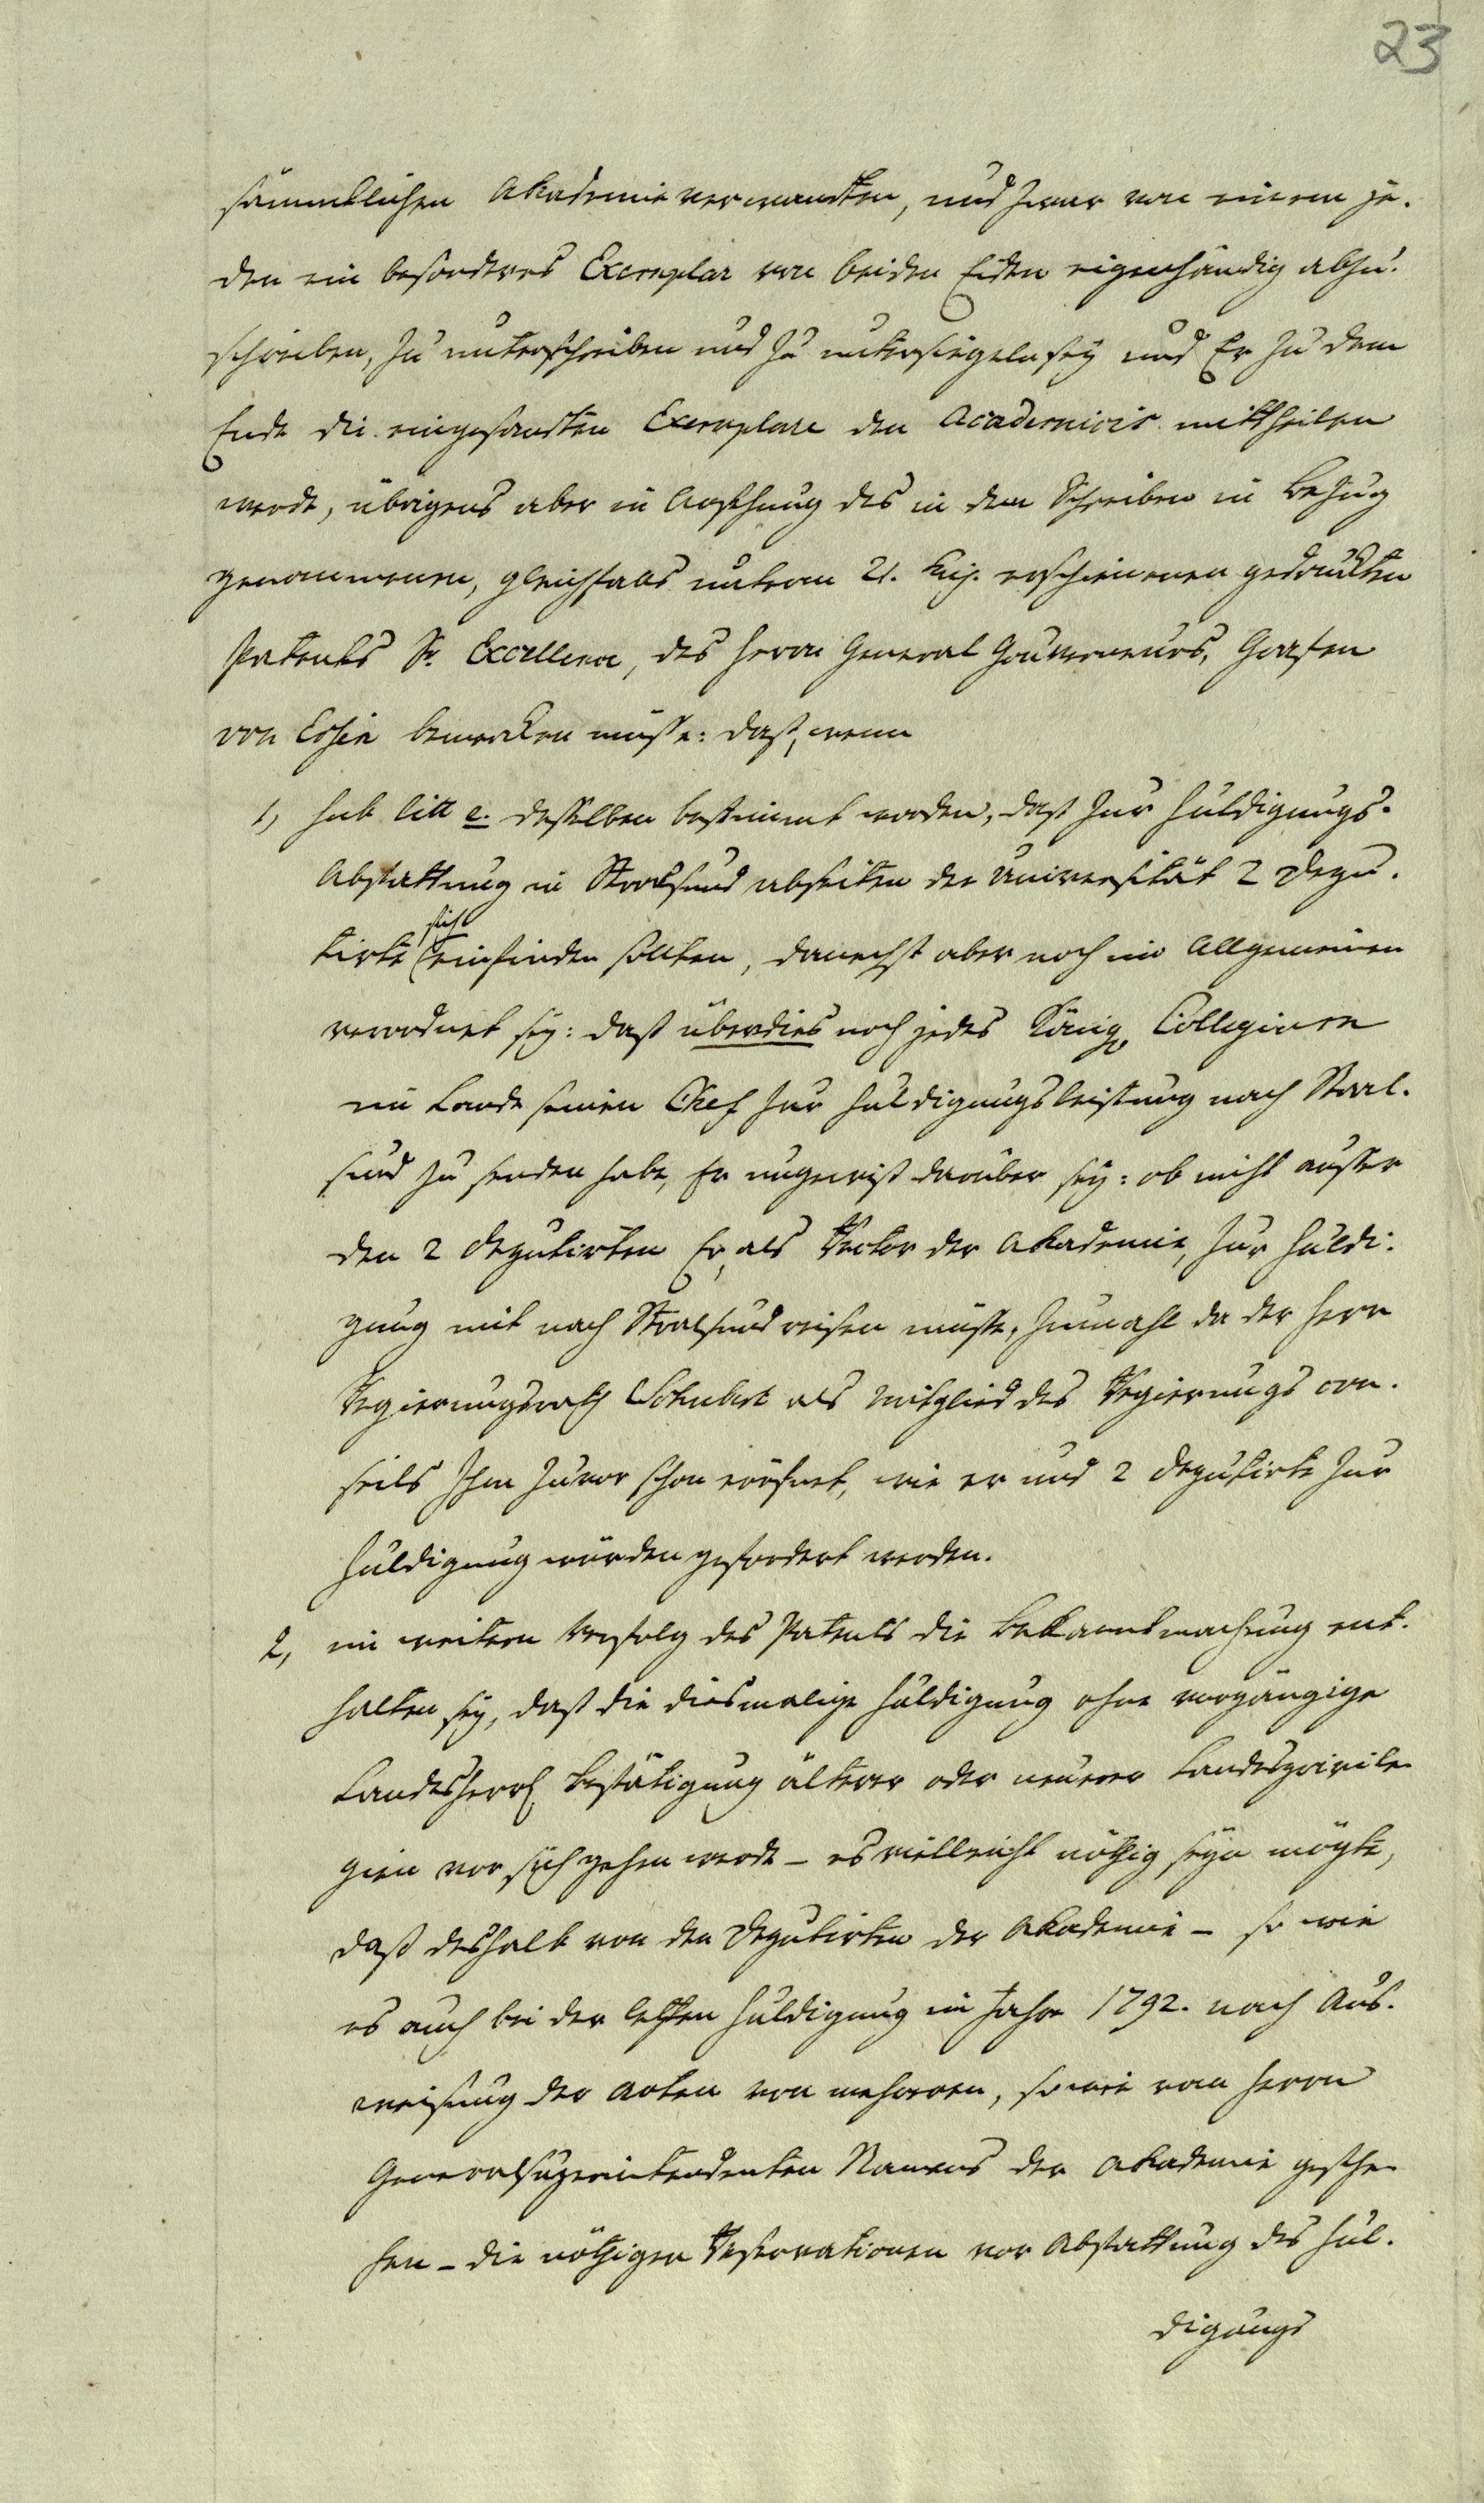sämmtlichen Akademieverwandten, und zwar von einem je¬
den ein besonderes Exemplar von beiden Eiden eigenhändig abzu¬
schreiben, zu unterschreiben und zu untersiegeln seÿ und Er zu dem
Ende die eingesandten Exemplare den Academicis mittheilen
werde, übrigens aber in Ansehung des in dem Schreiben in Bezug
genommenen, gleichfalls unterm 21. huj. erschienenen gedruckten
Patents Sr Excellence, des Herrn General Gouverneurs, Grafen
von Essen bemercken müsse: daß, wenn
1, sub litt a. desselben bestimmt worden, daß zur Huldigungs¬
Abstattung in Stralsund abseiten der Universität 2 dDepu¬
tirte sich einfinden sollten, danechst aber noch im Allgemeinen
verordnet seÿ, daß überdies noch jedes Königl. Collegium
im Lande seinen Chef zur Huldigungsleistung nach Stral¬
sund zu senden habe, Er ungewiß darüber seÿ: ob nicht ausser
den 2 Deputirten Er, als Rector der Akademie, zur Huldi¬
gung mit nach Stralsund reisen müsse, zumahl da der Herr
Regierungsrath Schubert als Mitglied des Regierungs con¬
seits Ihm zuvor schon eröfnet, wie er und 2 Deputirte zur
Huldigung würden gefordert werden.
2, im weitern Verfolg des Patents die Bekanntmachung ent¬
halten seÿ, daß die diesmalige Huldigung ohne vorgängige
Landesherrl Bestätigung älterer oder neuerer Landesprivile¬
gien vor sich gehen werde es vielleicht nöthig seÿn mögte,
daß deshalb von den Deputirten der Akademie so wie
es auch bei der letzten Huldigung im Jahre 1792. nach Aus¬
weisung der Acten von mehreren, so wie vom Herrn
Generalsuperintendenten Namens der Akademie gesche¬
hen. die nöthigen Reservationen vor Abstattung des Hul¬
digungs